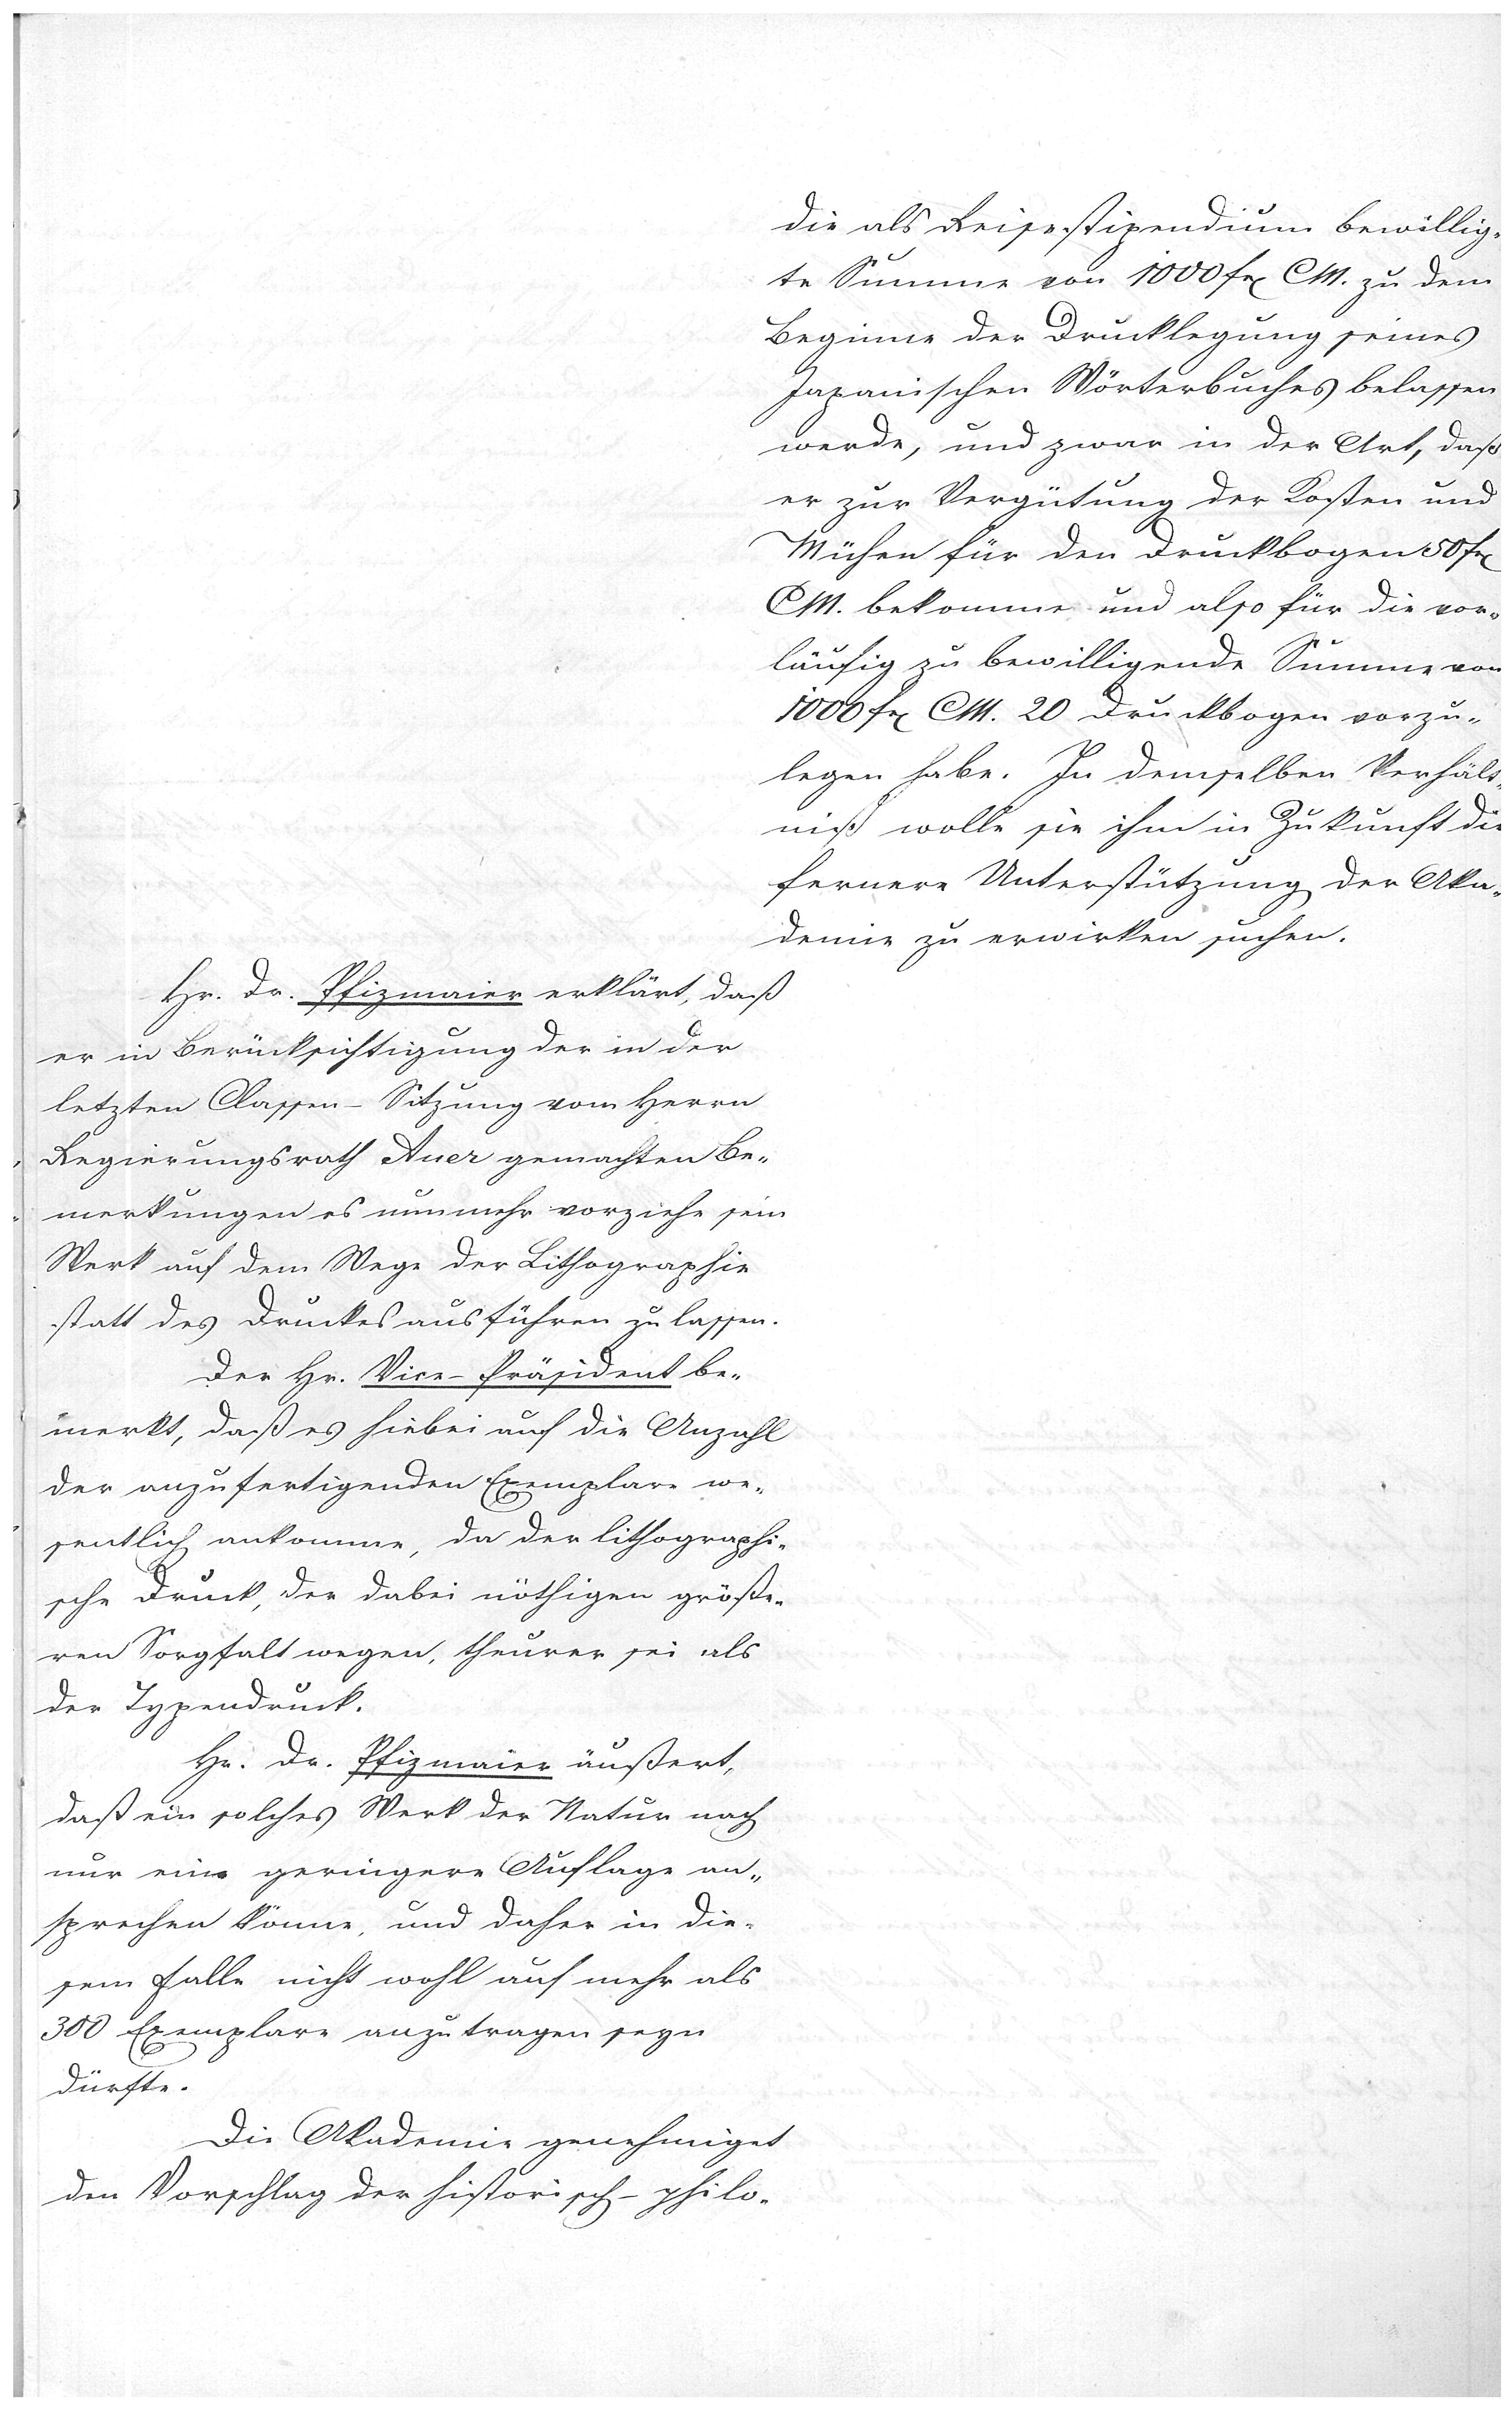die als Reisestipendium bewillig-
te Summe von 1000 fl CM. zu dem
Beginne der Drucklegung seines
japanischen Wörterbuches belassen
werde, und zwar in der Art, daß
er zur Vergütung der Kosten und
Mühen für den Druckbogen 50 fl
CM. bekomme und also für die vor-
läufig in bewilligende Summe von
1000 fl CM. 20 Druckbogen vorzu-
legen habe. In demselben Verhält-
niß wolle sie ihn in Zukunft die
fernere Unterstützung der Aka-
demie zu erwirken suchen.
Hr. Dr. Pfizmaier erklärt, daß
er in Berücksichtigung der in der
letzten Classen-Sitzung vom Herrn
Regierungsrath Auer gemachten Be-
merkungen es nunmehr vorziehe, sein
Werk auf dem Wege der Lithographie
statt des Druckes ausführen zu lassen.
Der Hr. Vice-Präsident be-
merkt, daß es hiebei auf die Anzahl
der auszufertigenden Exemplare we-
sentlich ankomme, da der lithographi-
sche Druck, der dabei nöthigen größe-
ren Sorgfalt wegen, theurer sei als
der Typendruck.
Hr. Dr. Pfizmaier äußert,
daß ein solches Werk der Natur nach
nur eine geringere Auflage an-
sprechen könne, und daher in die-
sem Falle nicht wohl auf mehr als
300 Exemplare anzutragen seyn
dürfte.
Die Akademie genehmiget
den Vorschlag der historisch-philo-